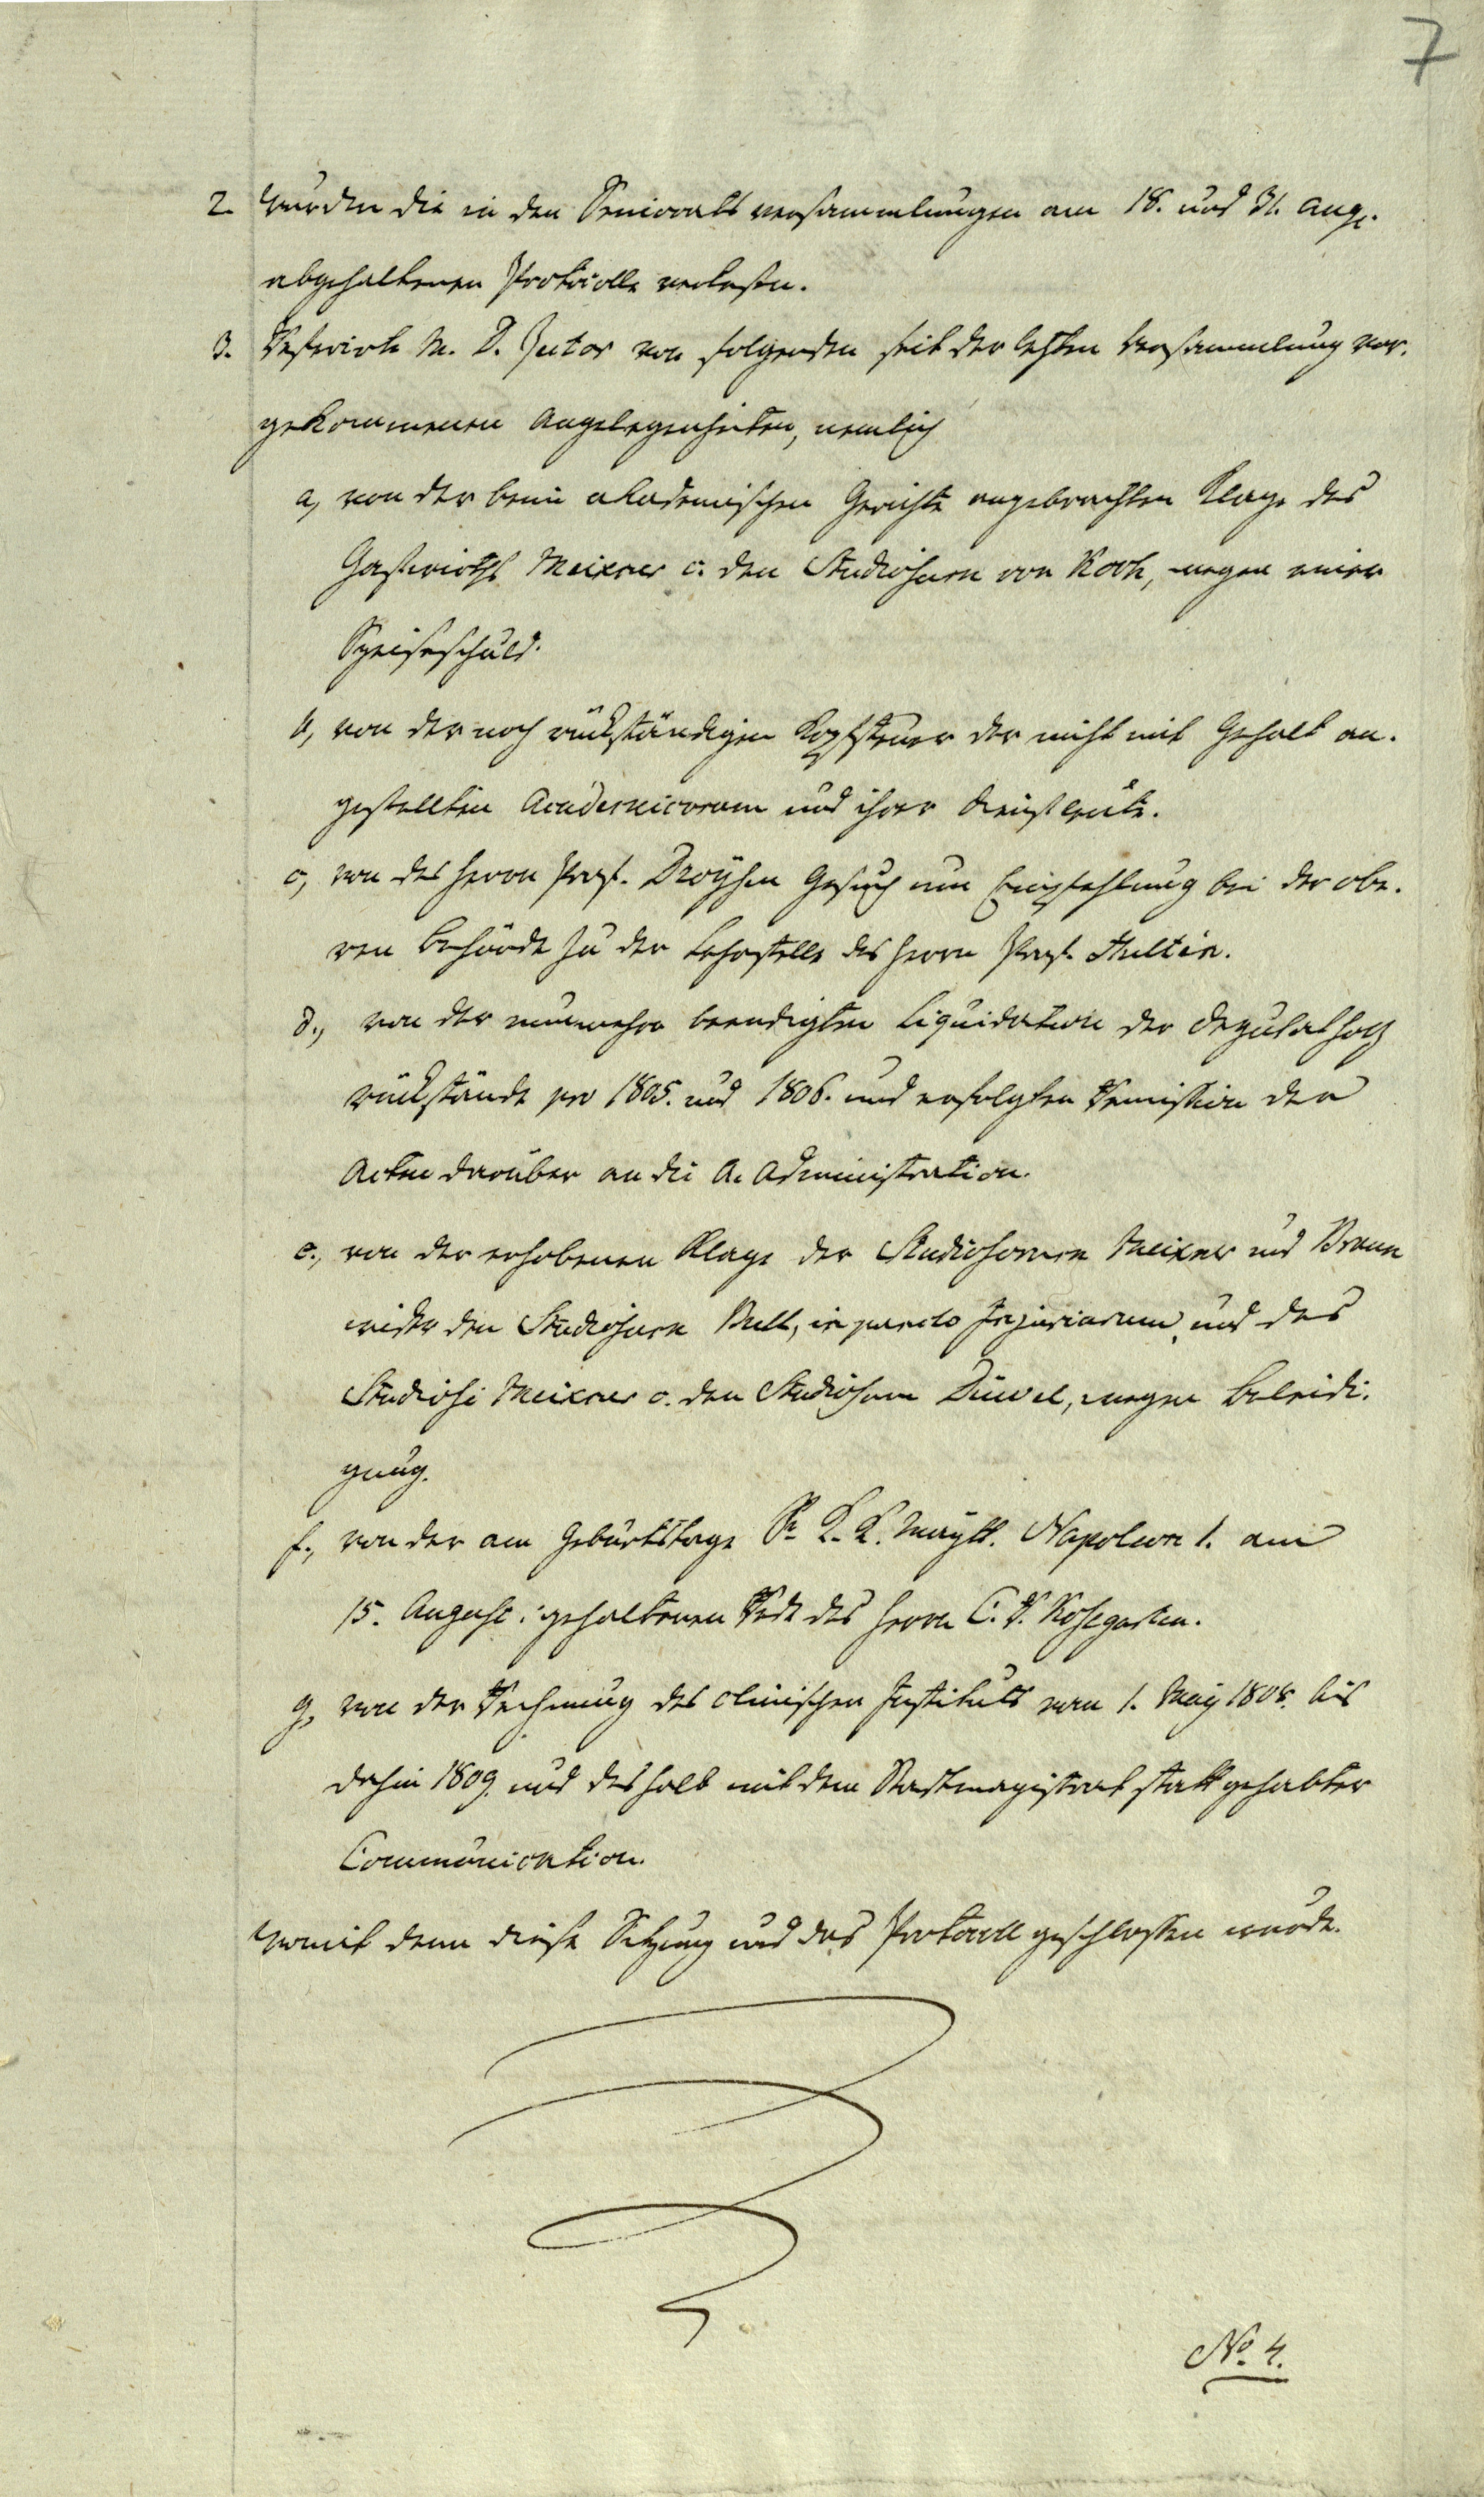2. Wurden die in den Senioratsversammlungen am 18. und 31. Aug.
abgehaltenen Protocolle verlesen.
3. Referirte M. D. Rector von folgenden seit der letzten Versammlung vor¬
gekommenen Angelegenheiten, nemlich
a, von der beim akademischen Gerichte angebrachten Klage des
Gastwirths Meixner c. den Studiosum von Koch, wegen einer
Speiseschuld.
b, von der noch rückständigen Kopfsteuer der nicht mit Gehalt an¬
gestellten Academicorum und ihrer Dienstleute.
c, von des Herrn Prof. Droÿsen Gesuch um Empfehlung bei der obe¬
ren Behörde zu der Lehrstelle des Herrn Prof. Hultén.
d., von der nunmehro beendigten Liquidation der Deputatholz
rückstände pro 1805. und 1806. und erfolgten Remission der
Acten darüber an die A. Administration.
e., von der erhobenen Klage der Studiosorum Meixner und Braun
wider den Studiosum Bult, in puncto Injuriarum und des
Studiosi Meixner c. den Studiosum Düwel, wegen Beleidi¬
gung.
f. von der am Geburtstage Sr. K. K. Maÿtt. Napoleon I. am
15. August. gehaltenen Rede des Herrn C. R. Kosegarten.
g., von der Rechnung des clinischen Instituts vom 1. Maÿ 1808 bis
dahin 1809 und deshalb mit dem Stadtmagistrat statt gehabter
Communication.
Womit denn diese Sitzung und das Protocoll geschlossen wurde.
No 4.